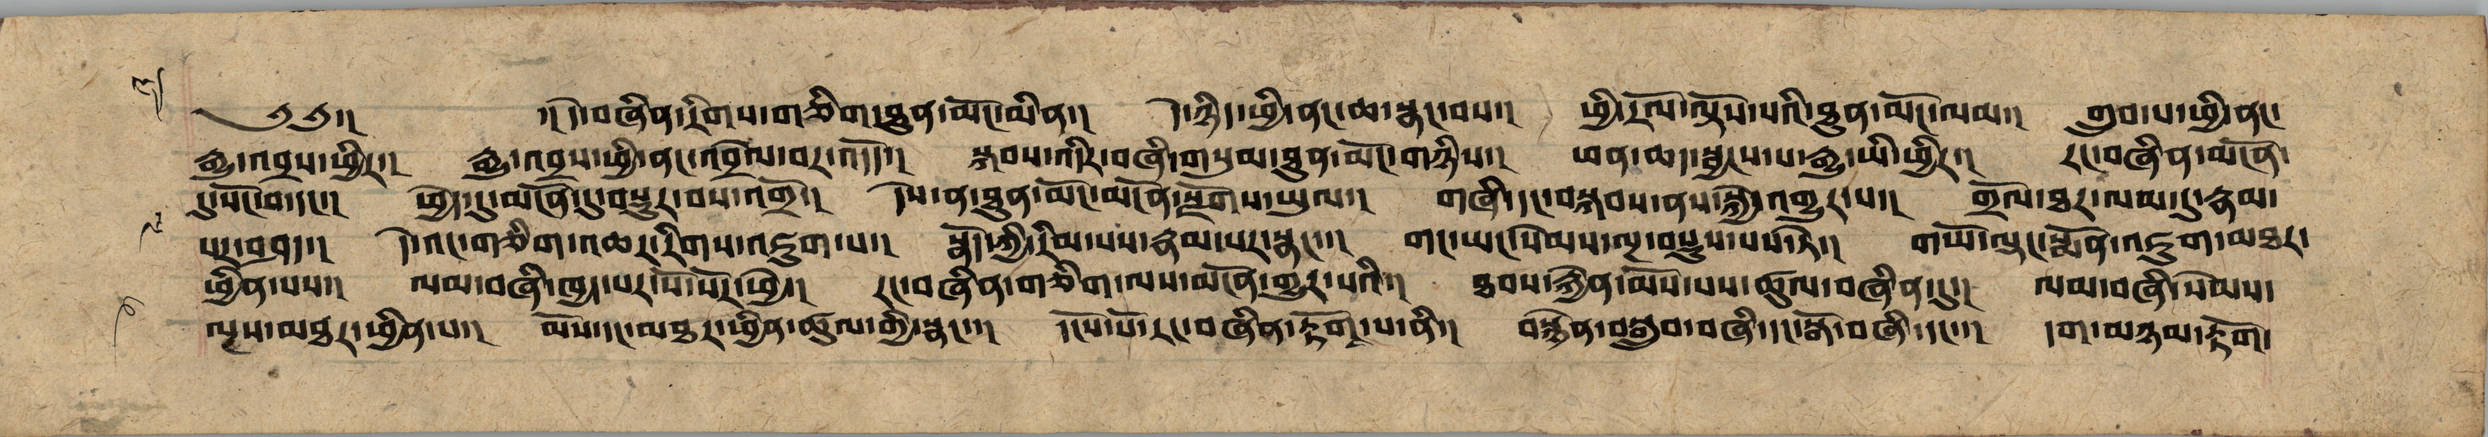༄༅་། ་། དེ་བཞིན་རིགས་གཅིག་ཐུན་མོང་མིན་། དེ་ཉིད་ཕྱི་ནང་ཆ་སྣང་བས་། ཕྱི་རོལ་ལྟོས་པའི་ཐུན་མོང་ལམ་། གྲུབ་པ་ཕྱི་ནང་
རྒྱུ་འབྲས་ཕྱིར་། རྒྱུ་འབྲས་ཕྱི་ནང་འབྲེལ་བར་འདོད་། སྐབས་འདིར་བཞི་གསུམ་ཐུན་མོང་གཉིས་། ཕན་ཆད་སྦྱངས་པ་རྒྱུ་ཡི་ཕྱིར་། རང་བཞིན་མངོན་
དུ་སོང་བ་དང་། ཕྱེད་དུ་མངོན་དུ་བསྡུར་བས་འགྲོ་། དེས་ན་ཐུན་མོང་མངོན་སྫོགས་ཡུལ་། གཞི་དང་བསྐབས་ནས་སྐྱེ་འགྱུར་པ་། གྲོལ་ཐར་ལམ་དུ་རྣམ་
པར་བཤད་། དེ་འང་གཅིག་འཆར་རིགས་འཇུག་པ་། སྣོད་ཀྱི་རིམ་པས་རྣམ་པར་སྣང་་། གང་ཡང་སེམས་ལྔ་བསྡུས་པས་ཏེ་། གཡོ་ལྡང་སྨོན་འཇུག་མཐར་
ཕྱིན་པས་། ལམ་བཞི་ཁྱད་པར་སོ་སོར་ཕྱེ་། རང་བཞིན་གཅིག་ལས་མངོན་གྱུར་པའི་། ཐབས་རྐྱེན་མོས་པས་ཚུལ་བཞིན་དུ་། ལམ་བཞི་སེམས་
ལས་མཐར་ཕྱིན་པ་། མོས་དང་ཐར་ཕྱིན་ཚུལ་གྱི་སྣང་་། དངོས་པོ་རང་བཞིན་རྟོག་པ་ནི་། བསྙེན་བསྒྲུབ་བཞི་དང་སྒོ་བཞི་དང་་། དག་མཉམ་རྟོག་